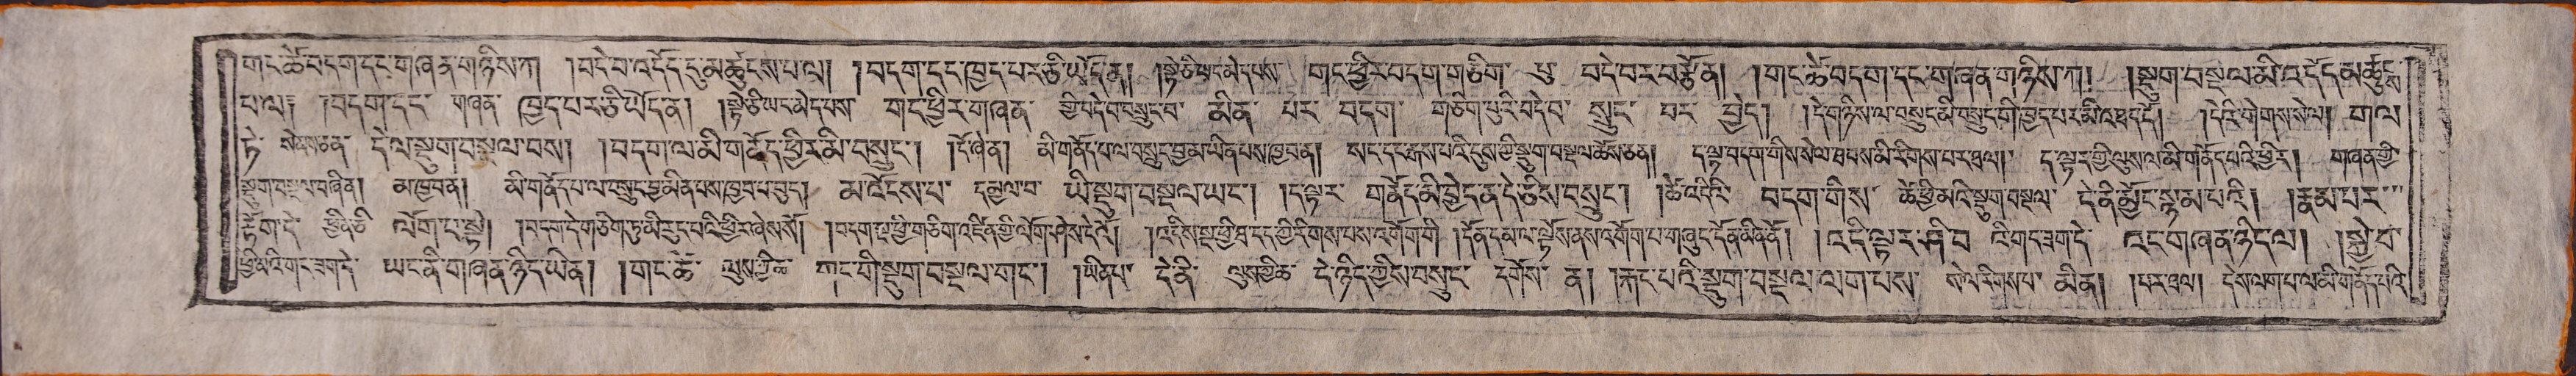གང་ཚེ་བདག་དང་གཞན་གཉིས་ཀ། །བདེ་བ་འདོད་དུ་མཚུངས་པ་ལ། །བདག་དང་ཁྱད་པར་ཅི་ཡོད་ན། །སྟེ་ཅི་ཡང་མེད་པ་གང་ཨི་བདག་གཅིག་བུ་བདེ་བར་བརྩོན། །གང་ཚེ་བདག་དང་གཞན་གཉིས་ཀ། །སྡུག་བསྔལ་མི་འདོད་མཚུངས་
པ་ལ༑ ༑བདག་དང་གཞན་ཁྱད་པར་ཅི་ཡོད་ན། ། སྟེ་ཅི་ཡང་མེད་པས་གང་ཕྱིར་གཞན་གྱི་བདེ་བ་བསྲུང་བ་མིན་པར་བདག་གཅིག་པུའི་བདེ་བ་སྲུང་བར་བྱེད། །དེ་གཉིས་ལ་བསྲུང་མི་བསྲུང་གི་ཁྱད་པར་མི་འཐད་དེ། །དེའི་གེགས་སེལ།  གལ་
ཏེ་སེམས་ཅན་དེ་ལ་སྡུག་བསྔལ་བས། །བདག་ལ་མི་གནོད་ཕྱིར་མི་བསྲུང་། །ངོ་ཞེ་ན། མི་གནོད་པ་ལ་བསྲུང་བྱ་མ་ཡིན་པས་ཁྱབ་ན། སང་དང་རྒས་པའི་དུས་ཀྱི་སྡུག་བསྔལ་ཆོས་ཅན། ད་ལྟ་བདག་གིས་སེལ་ཐབས་མི་རིགས་པར་ཐལ། ད་ལྟར་གྱི་ལུས་ལ་མི་གནོད་པའི་ཕྱིར། གཞན་གྱི་
སྡུག་བསྔལ་བཞིན། །མ་ཁྱབ་ན། མི་གནོད་པ་ལ་བསྲུང་བྱ་མིན་པས་ཁྱབ་པ་བུད། མ་འོངས་པ་དམྱལ་བ་ཡི་སྡུག་བསྔལ་ཡང་། །ད་ལྟར་གནོད་མི་བྱེད་ན་དེ་ཅིས་བསྲུང་། །ཚེ་འདིའི་བདག་གིས་ཚེ་ཕྱི་མའི་སྡུག་བསྔལ་དེ་ནི་མྱོང་སྙམ་པའི། །རྣམ་པར་
རྟོག་དེ་ཕྱིན་ཅི་ལོག་པ་སྟེ། །བདག་དེ་གཅིག་ཏུ་མི་རུང་བའི་ཕྱིར་ཞེས་སོ། །བདག་སྔ་ཕྱི་གཅིག་འཛིན་གྱི་ལོག་ཤེས་དེའོ། །འདིས་སྔ་ཕྱི་ཐ་དད་ཀྱི་རིགས་པས་འགོག་གི །དོན་དམ་ལ་ལྟོས་ནས་འགོག་པ་གཞུང་དོན་མིན་ནོ།  །འདི་ལྟར་ཤི་བ་འི་གང་ཟག་ད་འང་གཞན་ཉིད་ལ། །སྐྱེ་བ་
ཕྱི་མའི་གང་ཟག་དེ་ཡང་ནི་གཞན་ཉིད་ཡིན། །གང་ཚེ་ལུས་ཀྱི་ཆ་གང་གི་སྡུག་བསྔལ་གང་། །ཡིན་པ་དེ་ནི་ལུས་ཀྱི་ཆ་དེ་ཉིད་ཀྱིས་བསྲུང་དགོས་ན། །རྐང་པའི་སྡུག་བསྔལ་ལག་པས་སེལ་རིགས་པ་མིན། །པར་ཐལ། དེས་ལག་པ་ལ་མི་གནོད་པའི་